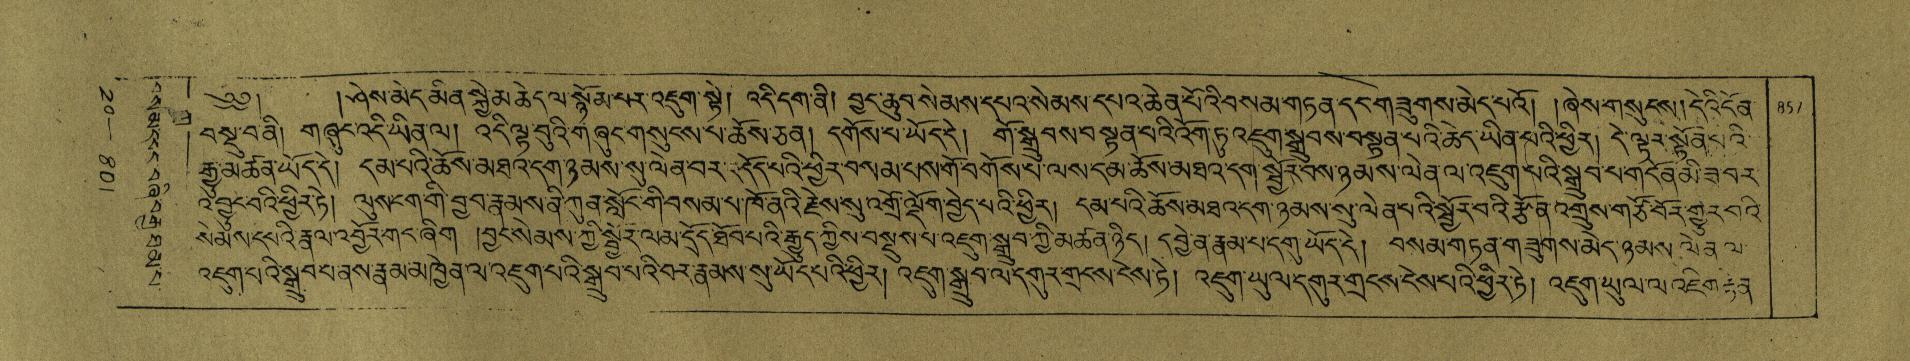༄༅། །ཤེས་མེད་མིན་སྐྱེ་མཆེད་ལ་སྙོམ་པར་འཇུག་སྟེ། འདི་དག་ནི། བྱང་ཆུབ་སེམས་དཔའ་སེམས་དཔའ་ཆེན་པོའི་བསམ་གཏན་དང་གཟུགས་མེད་པའོ། །ཞེས་གསུངས། དེའི་དོན་
བསྡུ་བ་ནི། གཞུང་འདི་ཡིན་ལ། འདི་ལྟ་བུའི་གཞུང་གསུངས་པ་ཆོས་ཅན། དགོས་པ་ཡོད་དེ། གོ་སྒྲུབས་བསྟན་པའི་འོག་ཏུ་འཇུག་སྒྲུབས་བསྟན་པའི་ཆེད་ཡིན་པའི་ཕྱིར། དེ་ལྟར་སྟོན་པའི་
རྒྱུ་མཚན་ཡོད་དེ། དམ་པའི་ཆོས་མཐའ་དག་ཉམས་སུ་ལེན་བར་འདོད་པའི་ཕྱིར་བསམ་པས་གོ་བགོས་པ་ལས་དམ་ཆོས་མཐའ་དག་སྦྱོར་བས་ཉམས་ལེན་ལ་འཇུག་པའི་སྒྲུབ་པ་གདོན་མི་ཟ་བར་
འབྱུང་བའི་ཕྱིར་ཏེ། ལུས་ངག་གི་བྱ་བ་རྣམས་ནི་ཀུན་སློང་གི་བསམ་པ་ཁོ་ནའི་རྗེས་སུ་འགྲོ་ལྡོག་བྱེད་པའི་ཕྱིར། དམ་པའི་ཆོས་མཐའ་དག་ཉམས་སུ་ལེན་པའི་སྦྱོར་བའི་རྩོན་འགྲུས་གཙོ་བོར་གྱུར་པའི་
སེམས་དཔའི་རྣལ་འབྱོར་གང་ཞིག །བྱང་སེམས་ཀྱི་སྦྱོར་ལམ་དྲོད་ཐོབ་པའི་རྒྱུད་ཀྱིས་བསྡུས་པ་འཇུག་སྒྲུབ་ཀྱི་མཚན་ཉིད། དབྱེ་ན་རྣམ་པ་དགུ་ཡོད་དེ། བསམ་གཏན་གཟུགས་མེད་ཉམས་ལེན་ལ་
འཇུག་པའི་སྒྲུབ་པ་ནས་རྣམ་མཁྱེན་ལ་འཇུག་པའི་སྒྲུབ་པའི་བར་རྣམས་སུ་ཡོད་པའི་ཕྱིར། འཇུག་སྒྲུབ་ལ་དགུར་གྲངས་ངེས་ཏེ། འཇུག་ཡུལ་དགུར་གྲངས་ངེས་པའི་ཕྱིར་ཏེ། འཇུག་ཡུལ་ལ་འཇིག་རྟེན་